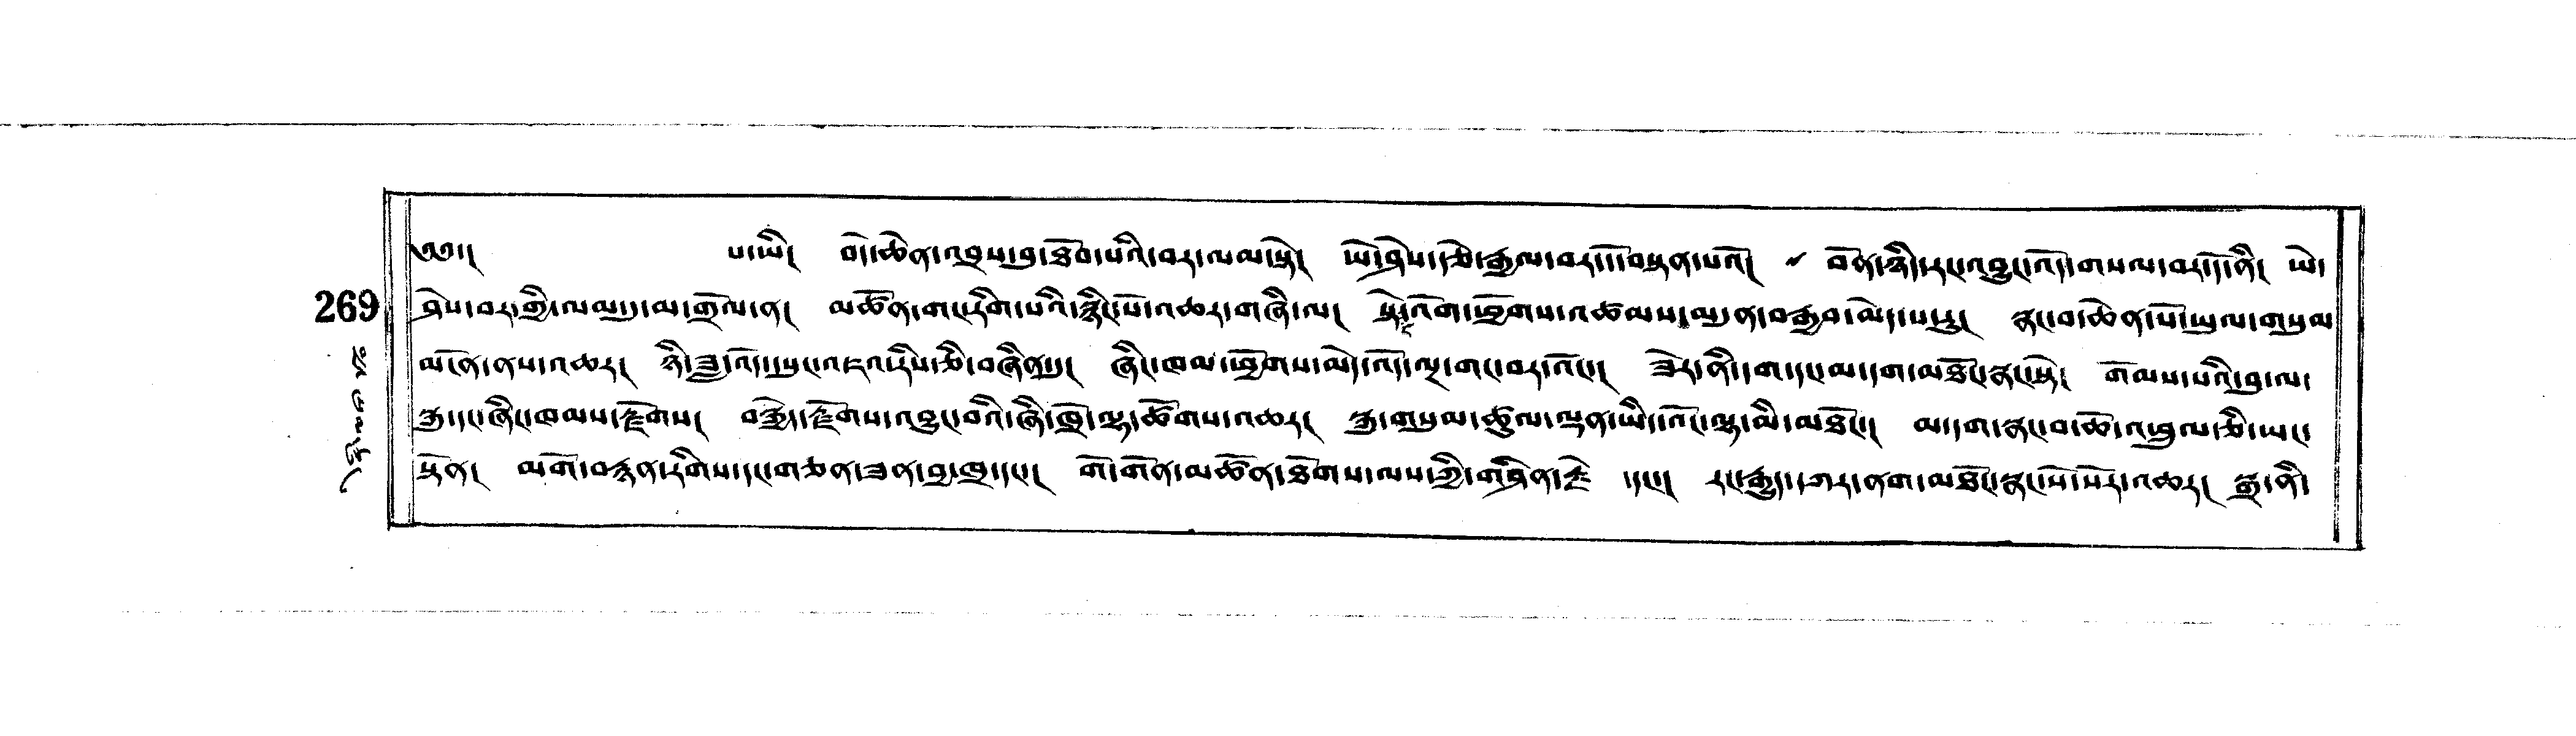པ་ཡི། བདེ་ཆེན་འབྲས་བུ་ཐོབ་པའི་བར་ལམ་སྟེ། ཡེ་ཤེས་རྩེ་རྒྱལ་བར་དོ་བསྟན་པའོ། ༧ བོན་ཉིད་རང་འབྱུང་འོད་གསལ་བར་དོ་ནི། ཡེ་
ཤེས་བར་གྱི་ལམ་དུ་མ་གྲོལ་ན། མཚོན་གང་རིག་པའི་སྙིང་པོ་འཆར་གཞི་ལ། སྟེང་འོག་ཕྱོགས་མཚམས་མདུན་རྒྱབ་མེད་པ་རུ། སྣང་བ་ཆེན་པོ་ཡུལ་གསུམ་
མངོན་ནས་འཆར། ཉི་ཟླ་འོད་དཔུང་འཇའ་རིས་ཅི་བཞིན་དུ། ཞིང་ཁམས་ཕྱོགས་མེད་འོད་ལྔ་གང་བར་སྣང་། ཟེར་ནི་དག་དང་མ་དག་མཐོང་སྣང་སྟེ། གོམས་པའི་བུ་ལ་
སྐུ་དང་ཞིང་ཁམས་རྫོགས། བསྐྱེད་རྫོགས་འབྱུང་བའི་ཞི་ཁྲོ་ལྷ་ཚོགས་འཆར། སྐུ་གསུམ་ཚུལ་ལྡན་ཡིད་འོང་ལྷ་མི་མཐོང་། མ་དག་སྣང་བ་ཆོ་འཕྲུལ་ཅི་ཡང་
སྟོན། མགོ་བརྙན་རིགས་དང་གཅན་གཟན་བྱ་ཁྲ་དང་། གོ་གོན་མཚོན་ཐོགས་ལས་ཀྱི་གཤིན་རྗེ་དང་། རང་རྒྱུད་དཀར་ནག་མཐོང་སྣང་སོ་སོར་འཆར། སྒྲ་ནི་